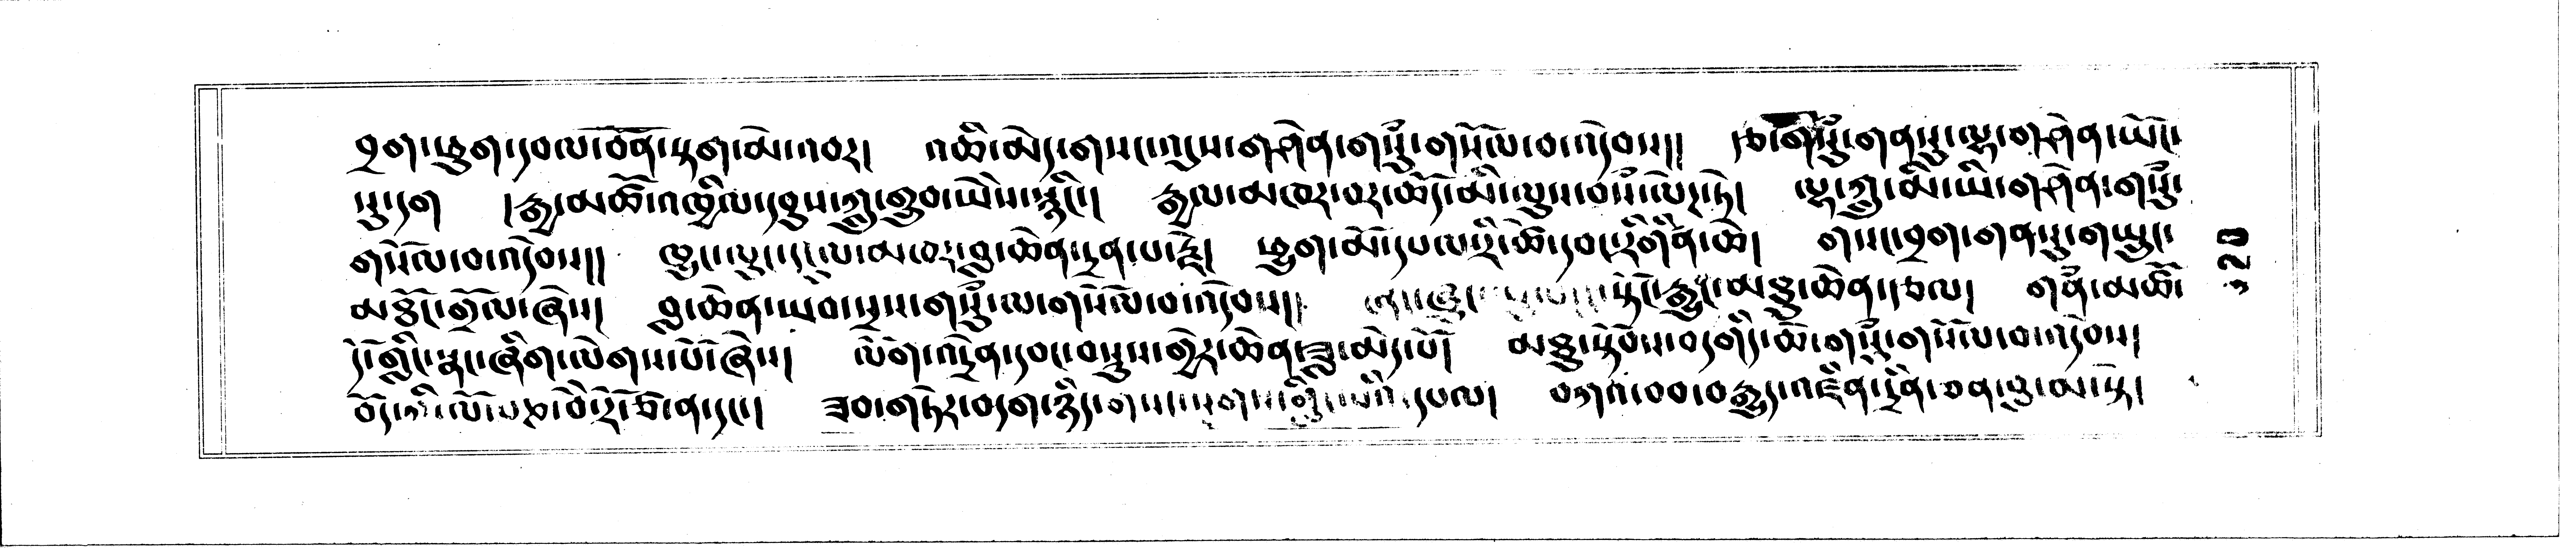བྲག་ཕུག་དབལ་བོན་སྟག་མེ་འབར། འཆི་མེད་གསང་འདུས་གཤེན་གསུམ་གསོལ་བ་འདེབས།། རྩ་གསུམ་གནས་སུ་ལྷ་གཤེན་ཡོང་
སུ་དག རྒྱ་མཚོ་འཁྱིལ་དབུས་ཀླུ་གྲུབ་ཡེ་ཤེས་སྙིང་། རྒྱལ་མཁར་བར་ཆོད་མི་ལུས་བསམ་ལེགས་ཏེ། ལྷ་ཀླུ་མི་ཡི་གཤེན་གསུམ་
གསོལ་བ་འདེབས།། ཁྱུང་ལུང་དངུལ་མཁར་བླ་ཆེན་དྲན་པ་རྗེ། ཕྱུག་མོ་དཔལ་རི་ཚེ་དབང་རིག་འཛིན་ཆེ། གསང་བྲག་གནས་སུ་གཡུང་དྲུང་
མཐོང་གྲོལ་ཞེས། བླ་ཆེན་ཡབ་སྲས་གསུམ་ལ་གསོལ་བ་འདེབས།། ཞང་ཞུང་ཡུལ་དུ་སྟོང་རྒྱུང་མཐུ་ཆེན་རྩལ། གནམ་མཚོ་
དོ་གླིང་སྣང་བཞེར་ལོད་པོ་ཞེས། ལོག་འདྲེན་དབང་བསྡུས་གྱེར་ཆེན་ཟླ་མེད་པོ། མཐུ་སྟོབས་བདག་ཉིད་ཆེ་གསུམ་གསོལ་བ་འདེབས། 
བོད་ཀྱི་ལོ་པཎ་བཻ་རོ་ཙ་ན་དང་། ཟབ་གཏེར་བདག་ཉིད་གསང་སྔགས་གླིང་པའི་དཔལ། བཀའ་བབས་བརྒྱུད་འཛིན་དྲིན་ཅན་བླ་མ་སྟེ།